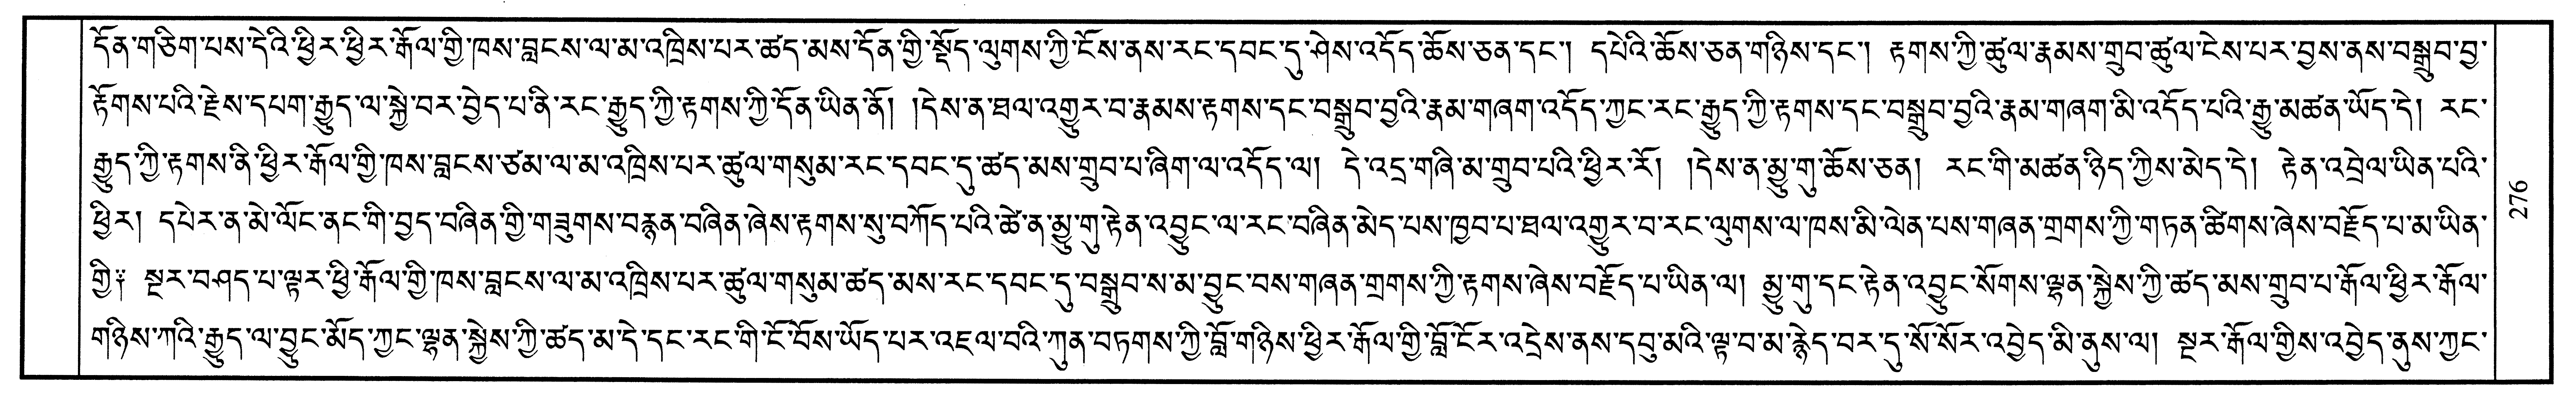དོན་གཅིག་པས་དེའི་ཕྱིར་ཕྱིར་རྒོལ་གྱི་ཁས་བླངས་ལ་མ་འཁྲིས་པར་ཚད་མས་དོན་གྱི་སྡོད་ལུགས་ཀྱི་ངོས་ནས་རང་དབང་དུ་ཤེས་འདོད་ཆོས་ཅན་དང་། དཔེའི་ཆོས་ཅན་གཉིས་དང་། རྟགས་ཀྱི་ཚུལ་རྣམས་གྲུབ་ཚུལ་ངེས་པར་བྱས་ནས་བསྒྲུབ་བྱ་
རྟོགས་པའི་རྗེས་དཔག་རྒྱུད་ལ་སྐྱེ་བར་བྱེད་པ་ནི་རང་རྒྱུད་ཀྱི་རྟགས་ཀྱི་དོན་ཡིན་ནོ། །དེས་ན་ཐལ་འགྱུར་བ་རྣམས་རྟགས་དང་བསྒྲུབ་བྱའི་རྣམ་གཞག་འདོད་ཀྱང་རང་རྒྱུད་ཀྱི་རྟགས་དང་བསྒྲུབ་བྱའི་རྣམ་གཞག་མི་འདོད་པའི་རྒྱུ་མཚན་ཡོད་དེ། རང་
རྒྱུད་ཀྱི་རྟགས་ནི་ཕྱིར་རྒོལ་གྱི་ཁས་བླངས་ཙམ་ལ་མ་འཁྲིས་པར་ཚུལ་གསུམ་རང་དབང་དུ་ཚད་མས་གྲུབ་པ་ཞིག་ལ་འདོད་ལ། དེ་འདྲ་གཞི་མ་གྲུབ་པའི་ཕྱིར་རོ། །དེས་ན་མྱུ་གུ་ཆོས་ཅན། རང་གི་མཚན་ཉིད་ཀྱིས་མེད་དེ། རྟེན་འབྲེལ་ཡིན་པའི་
ཕྱིར། དཔེར་ན་མེ་ལོང་ནང་གི་བྱད་བཞིན་གྱི་གཟུགས་བརྙན་བཞིན་ཞེས་རྟགས་སུ་བཀོད་པའི་ཚེ་ན་མྱུ་གུ་རྟེན་འབྱུང་ལ་རང་བཞིན་མེད་པས་ཁྱབ་པ་ཐལ་འགྱུར་བ་རང་ལུགས་ལ་ཁས་མི་ལེན་པས་གཞན་གྲགས་ཀྱི་གཏན་ཚིགས་ཞེས་བརྗོད་པ་མ་ཡིན་
གྱི༑ སྔར་བཤད་པ་ལྟར་ཕྱི་རྒོལ་གྱི་ཁས་བླངས་ལ་མ་འཁྲིས་པར་ཚུལ་གསུམ་ཚད་མས་རང་དབང་དུ་བསྒྲུབ་ས་མ་བྱུང་བས་གཞན་གྲགས་ཀྱི་རྟགས་ཞེས་བརྗོད་པ་ཡིན་ལ། མྱུ་གུ་དང་རྟེན་འབྱུང་སོགས་ལྷན་སྐྱེས་ཀྱི་ཚད་མས་གྲུབ་པ་རྒོལ་ཕྱིར་རྒོལ་
གཉིས་ཀའི་རྒྱུད་ལ་བྱུང་མོད་ཀྱང་ལྷན་སྐྱེས་ཀྱི་ཚད་མ་དེ་དང་རང་གི་ངོ་བོས་ཡོད་པར་འཇལ་བའི་ཀུན་བཏགས་ཀྱི་བློ་གཉིས་ཕྱིར་རྒོལ་གྱི་བློ་ངོར་འདྲེས་ནས་དབུ་མའི་ལྟ་བ་མ་རྙེད་བར་དུ་སོ་སོར་འབྱེད་མི་ནུས་ལ། སྔར་རྒོལ་གྱིས་འབྱེད་ནུས་ཀྱང་